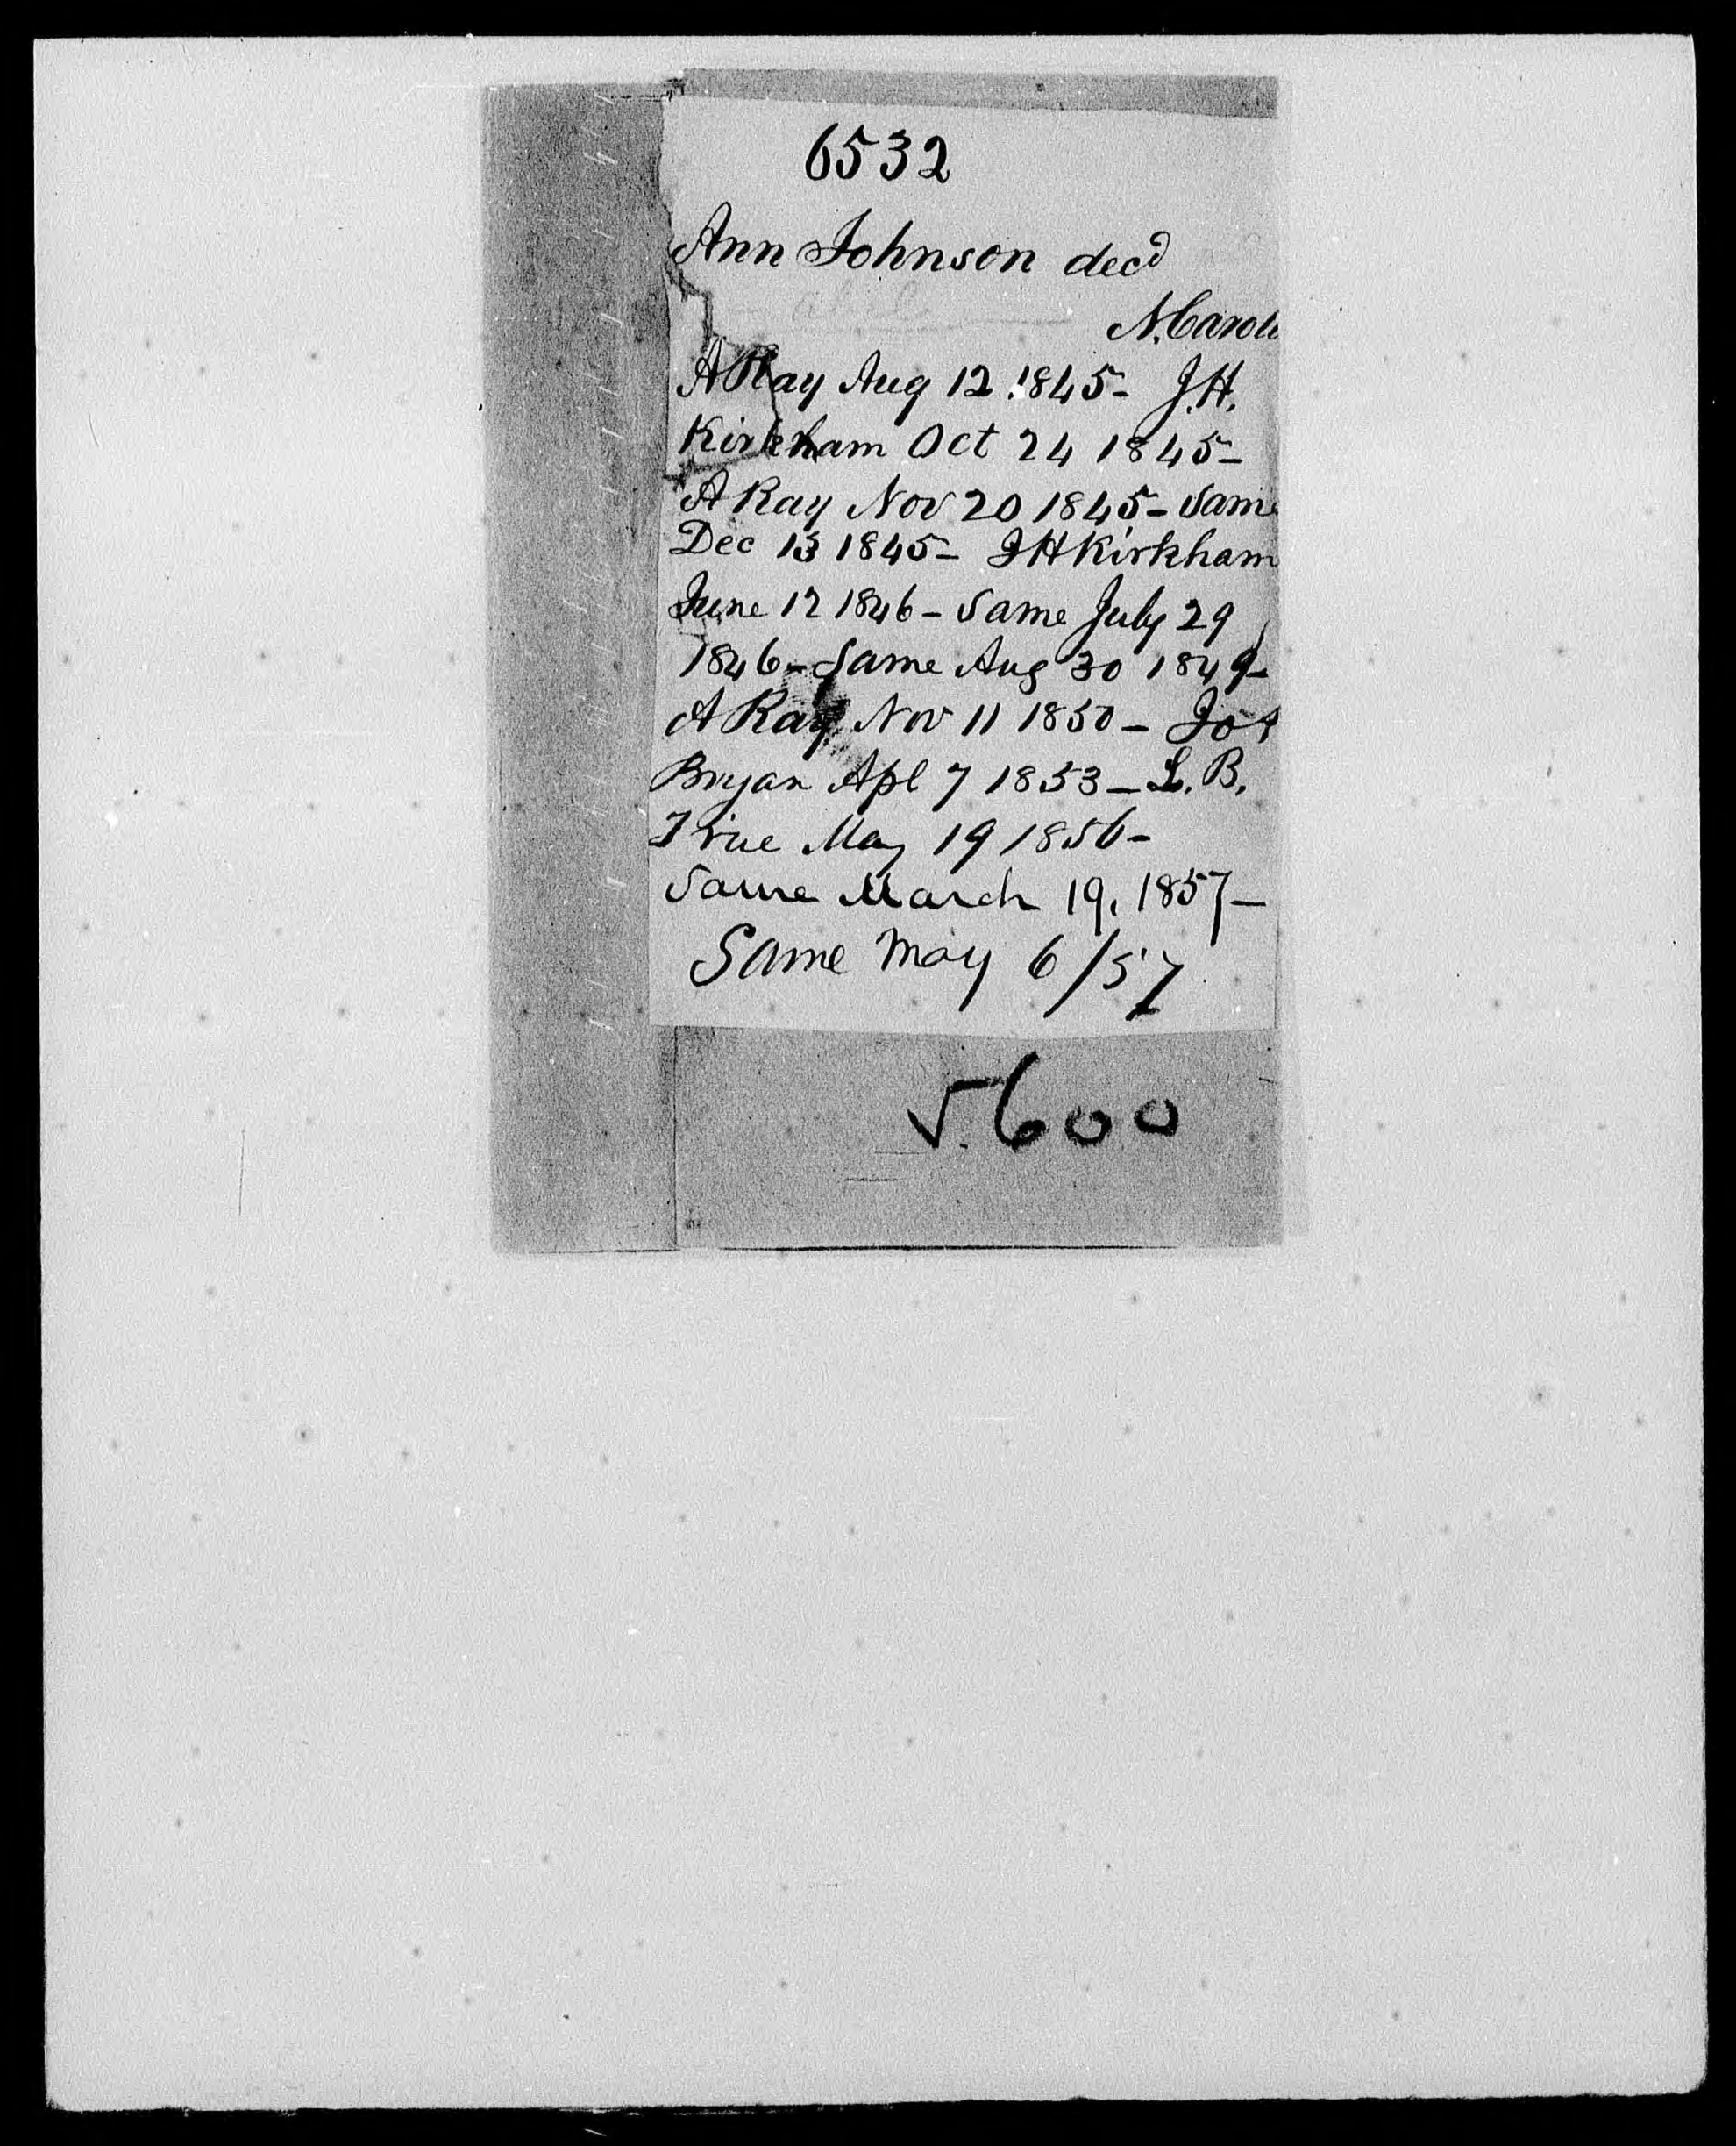6532
Ann Johnson dead 
North Carolina
A Ray August 12, 1845 
J. H. Kirkham October 24, 1845
A. Ray November 20, 1845
Same December 13, 1845
J. H. Kirkham June 12, 1846
Same July 29, 1846
Same August 30, 1849
A. Ray November 11, 1850
J. Bryan April 7, 1853 
L. B. Price May 19, 1857
Same May 6, 1857
S.600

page: 20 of 74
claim: rejected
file: R. 5600, for Abel Johnson, North Carolina